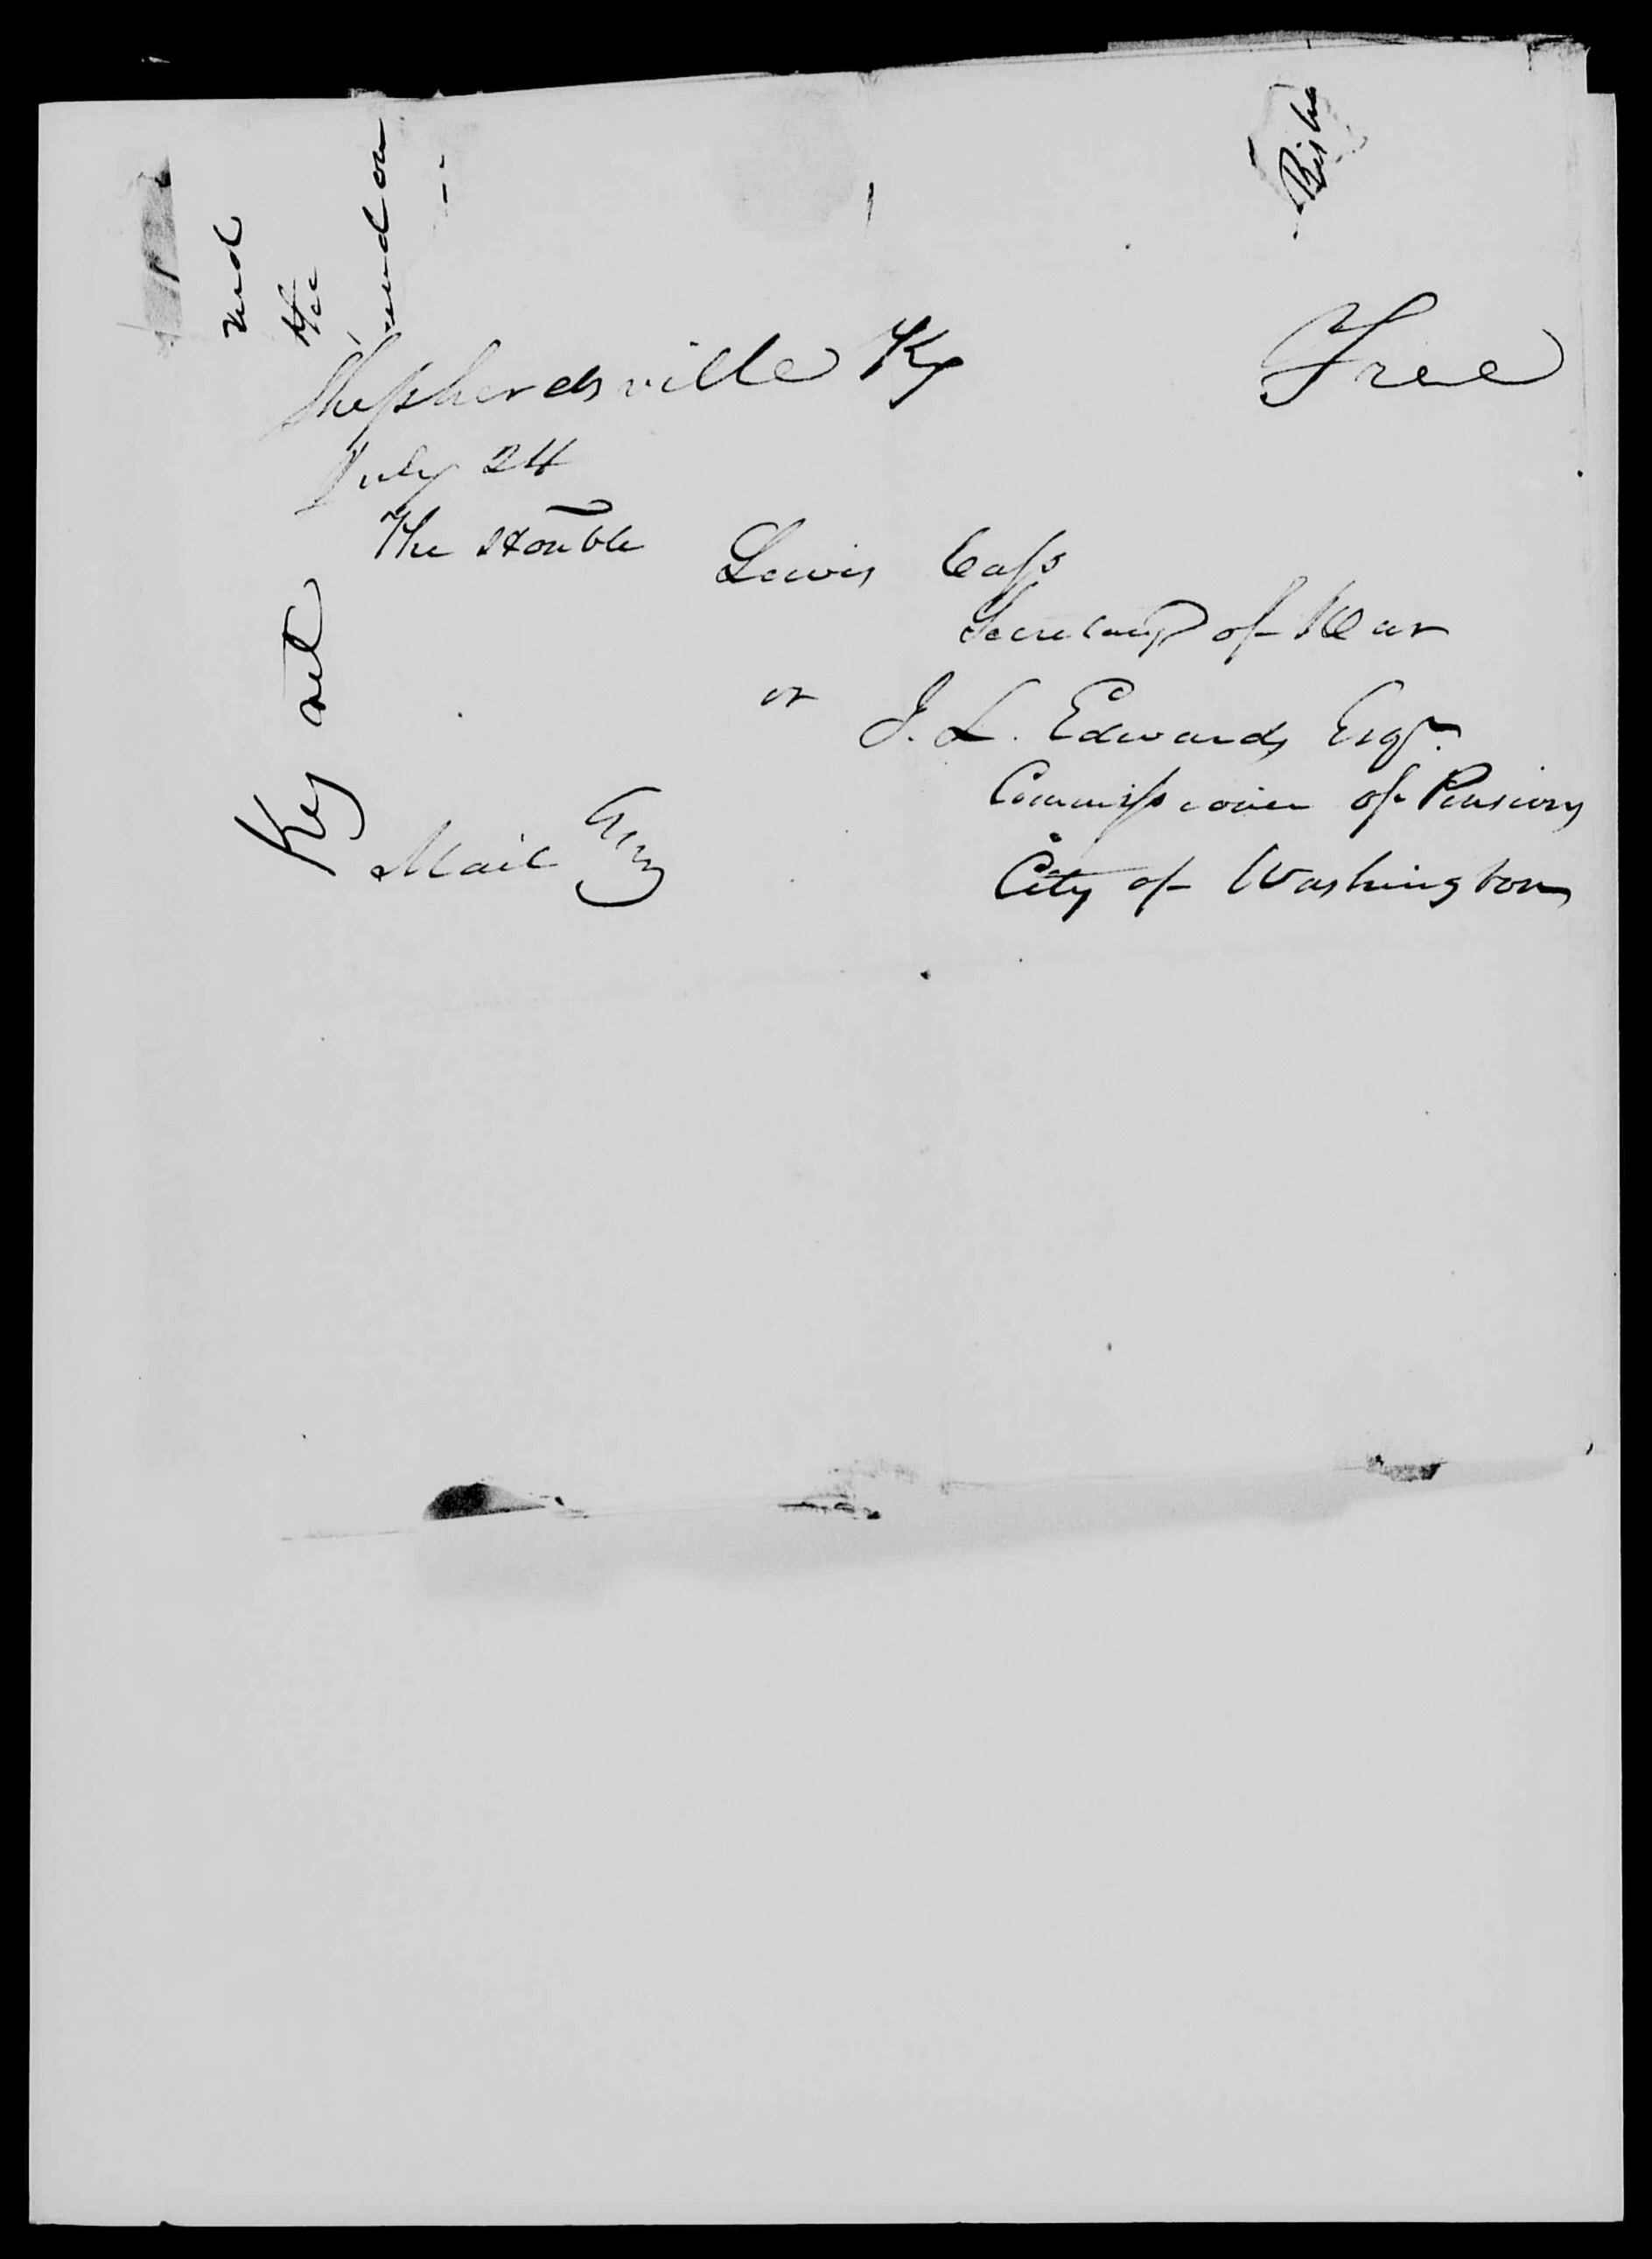Shepherdsville Ky
July 24
Free
The Honble Lewis Cass
Secretary of War
or J. L. Edwards Esqr
Commissioner of Pensions
City of Washington
Ky agt
Mail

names: Lewis Cass, J L Edwards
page: 24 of 26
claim: survivor's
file: S.1,166, Lawrence Bishop, Penn.